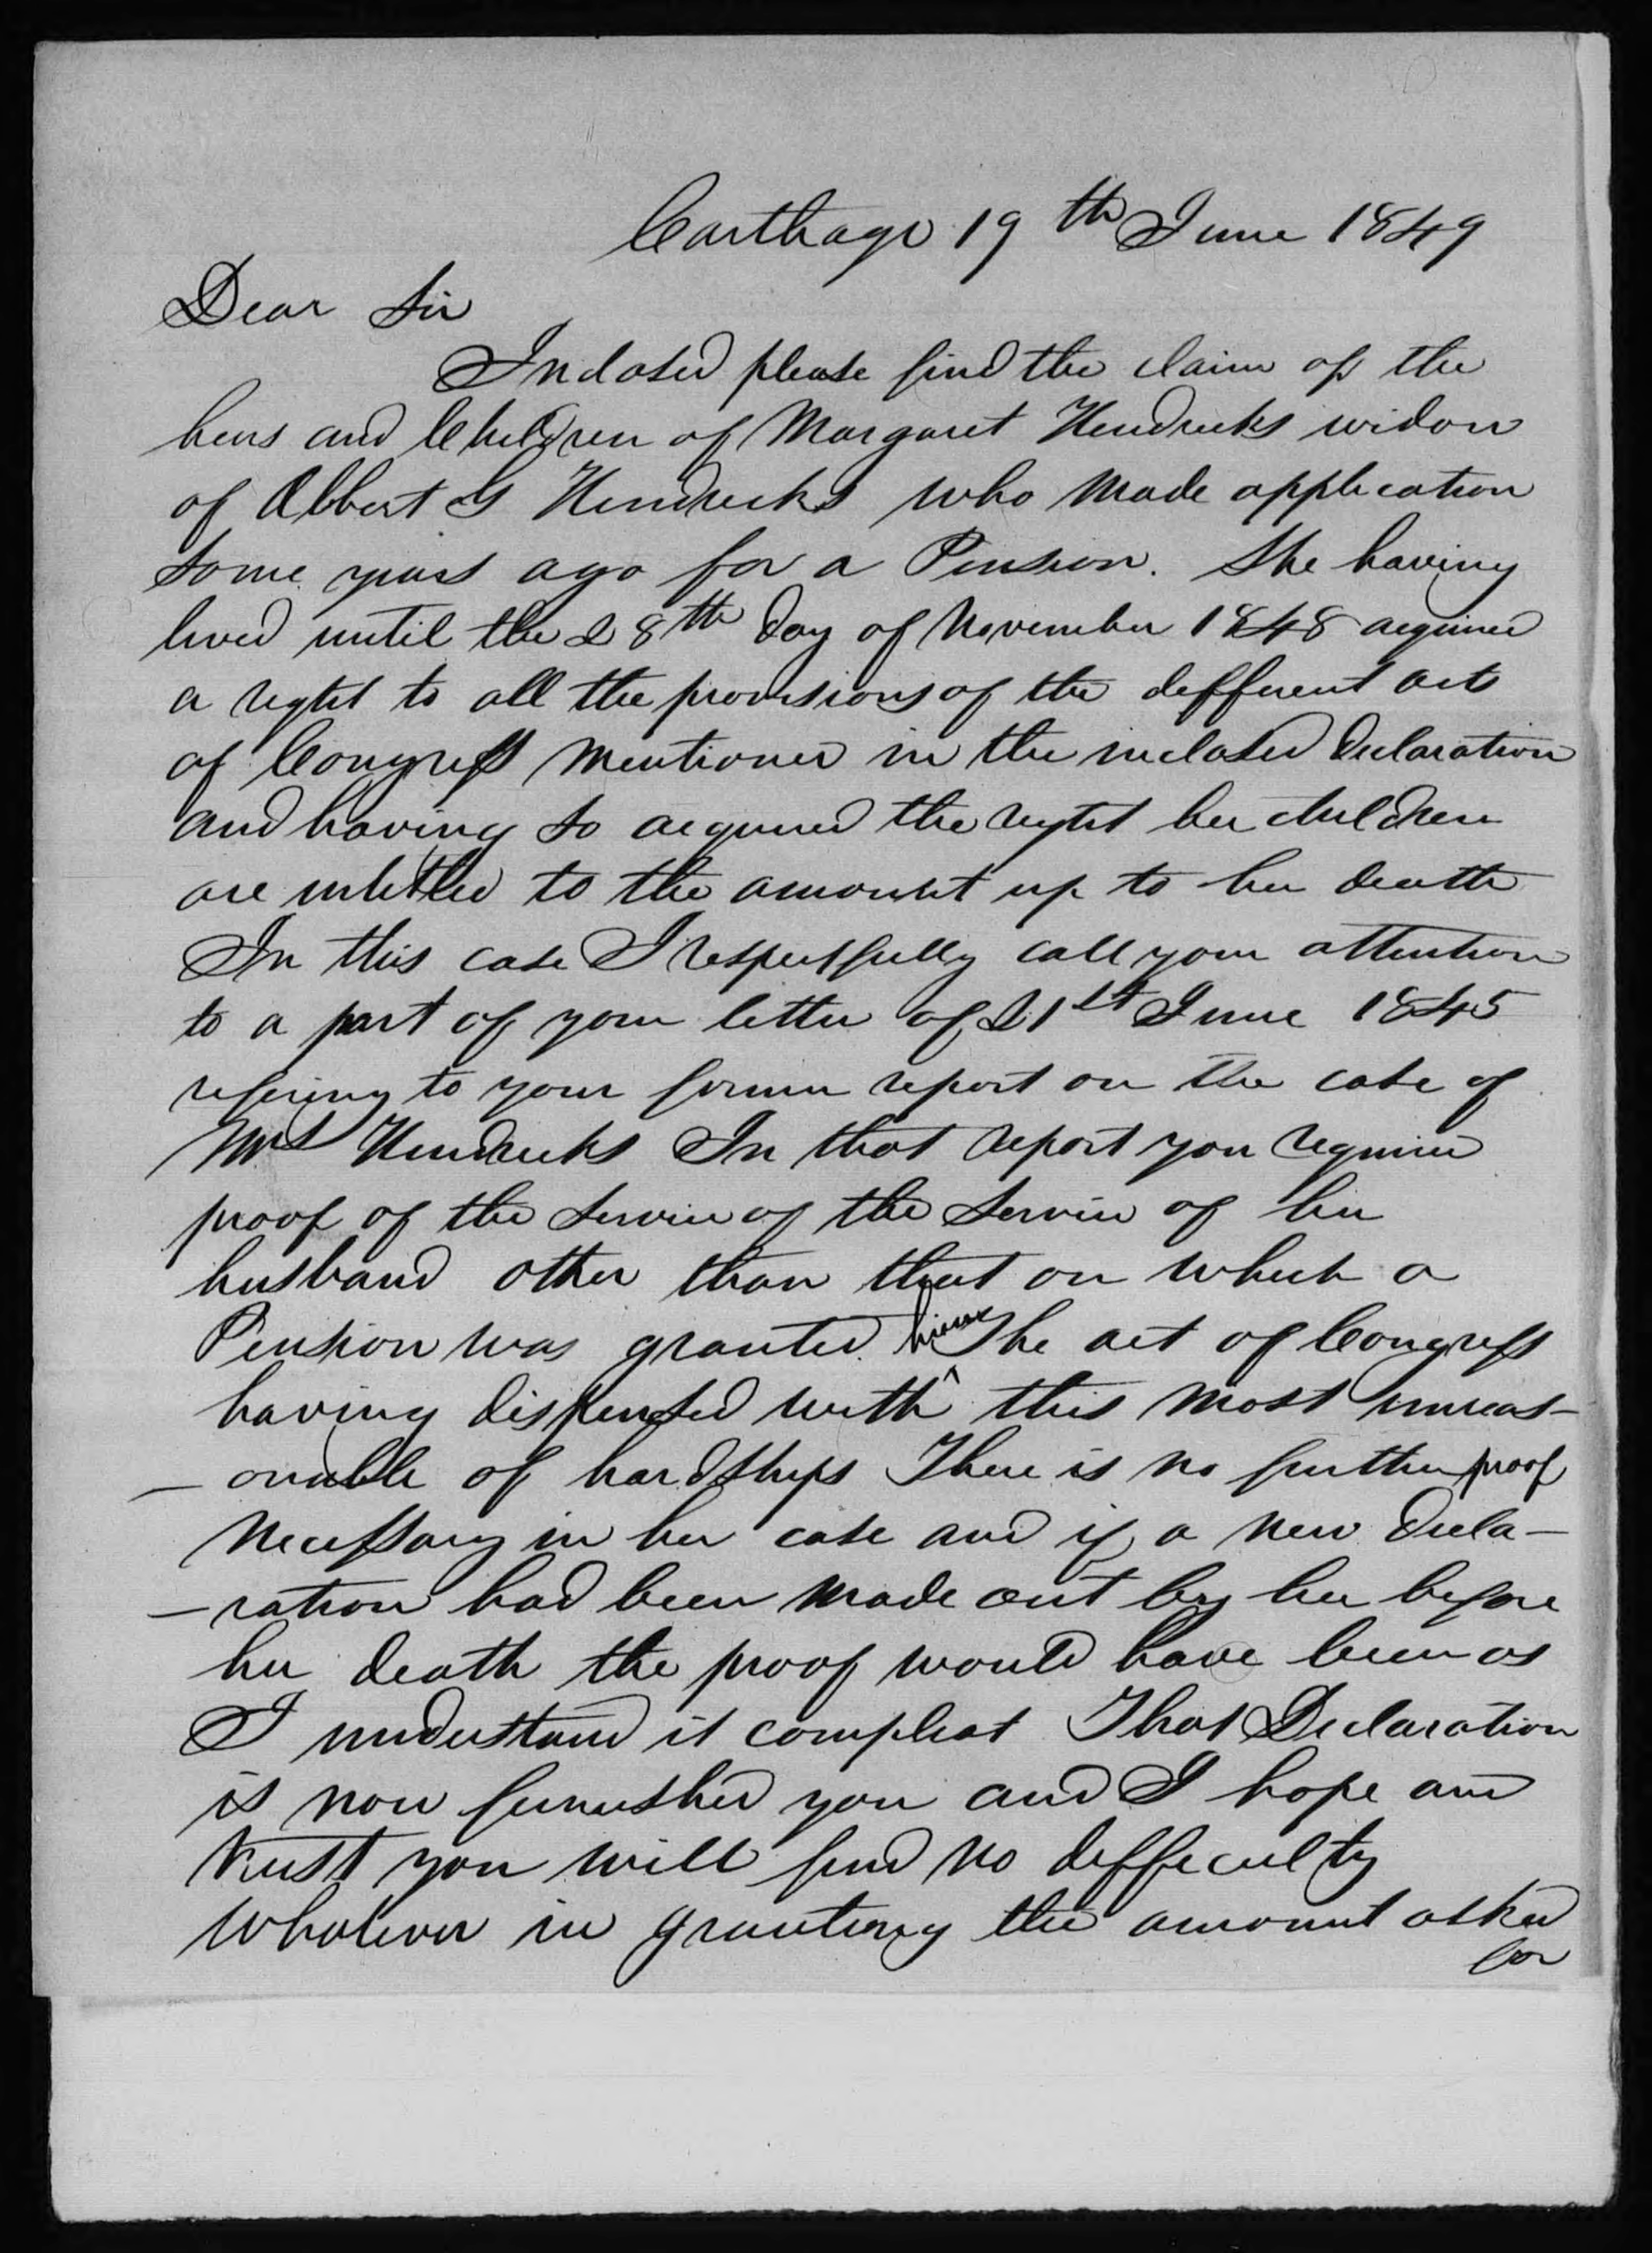Carthage 19th June 1849

Dear Sir

Inclosed [Enclosed] please find the claim of the 
heirs and children of Margaret Hendricks widow 
of Albert G Hendricks who made application 
some years ago for a Pension.  She having 
lived until the 28th day of November 1848 acquired 
a right to all the provisions of the different acts 
of Congress mentioned in the inclosed [enclosed] Declaration 
and having so acquired the right her children 
are entitled to the amount up to her death 
In this case I respectfully call your attention 
to a part of your letter of 21st June 1845 
referring to your former report on the case of 
Mrs Hendricks.  In that report you required 
proof of the service [repeated: of the service] of her 
husband other than that on which a 
Pension was granted. [illegible] The act of Congress 
having dispensed with this most unreas
onable of hardships there is no further proof 
necessary in her case and if a new Decla
ration had been made out by her before 
her death the proof would have been as 
I understand it compliant.  That Declaration 
is now furnished you and I hope and 
trust you will find no difficulty 
whatever in granting the amount asked 
for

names: Hendricks, Margaret Hendricks, Albert G Hendricks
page: 56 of 76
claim: widow's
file: W. 83, Albert Hendricks, Continental Md. N.C.